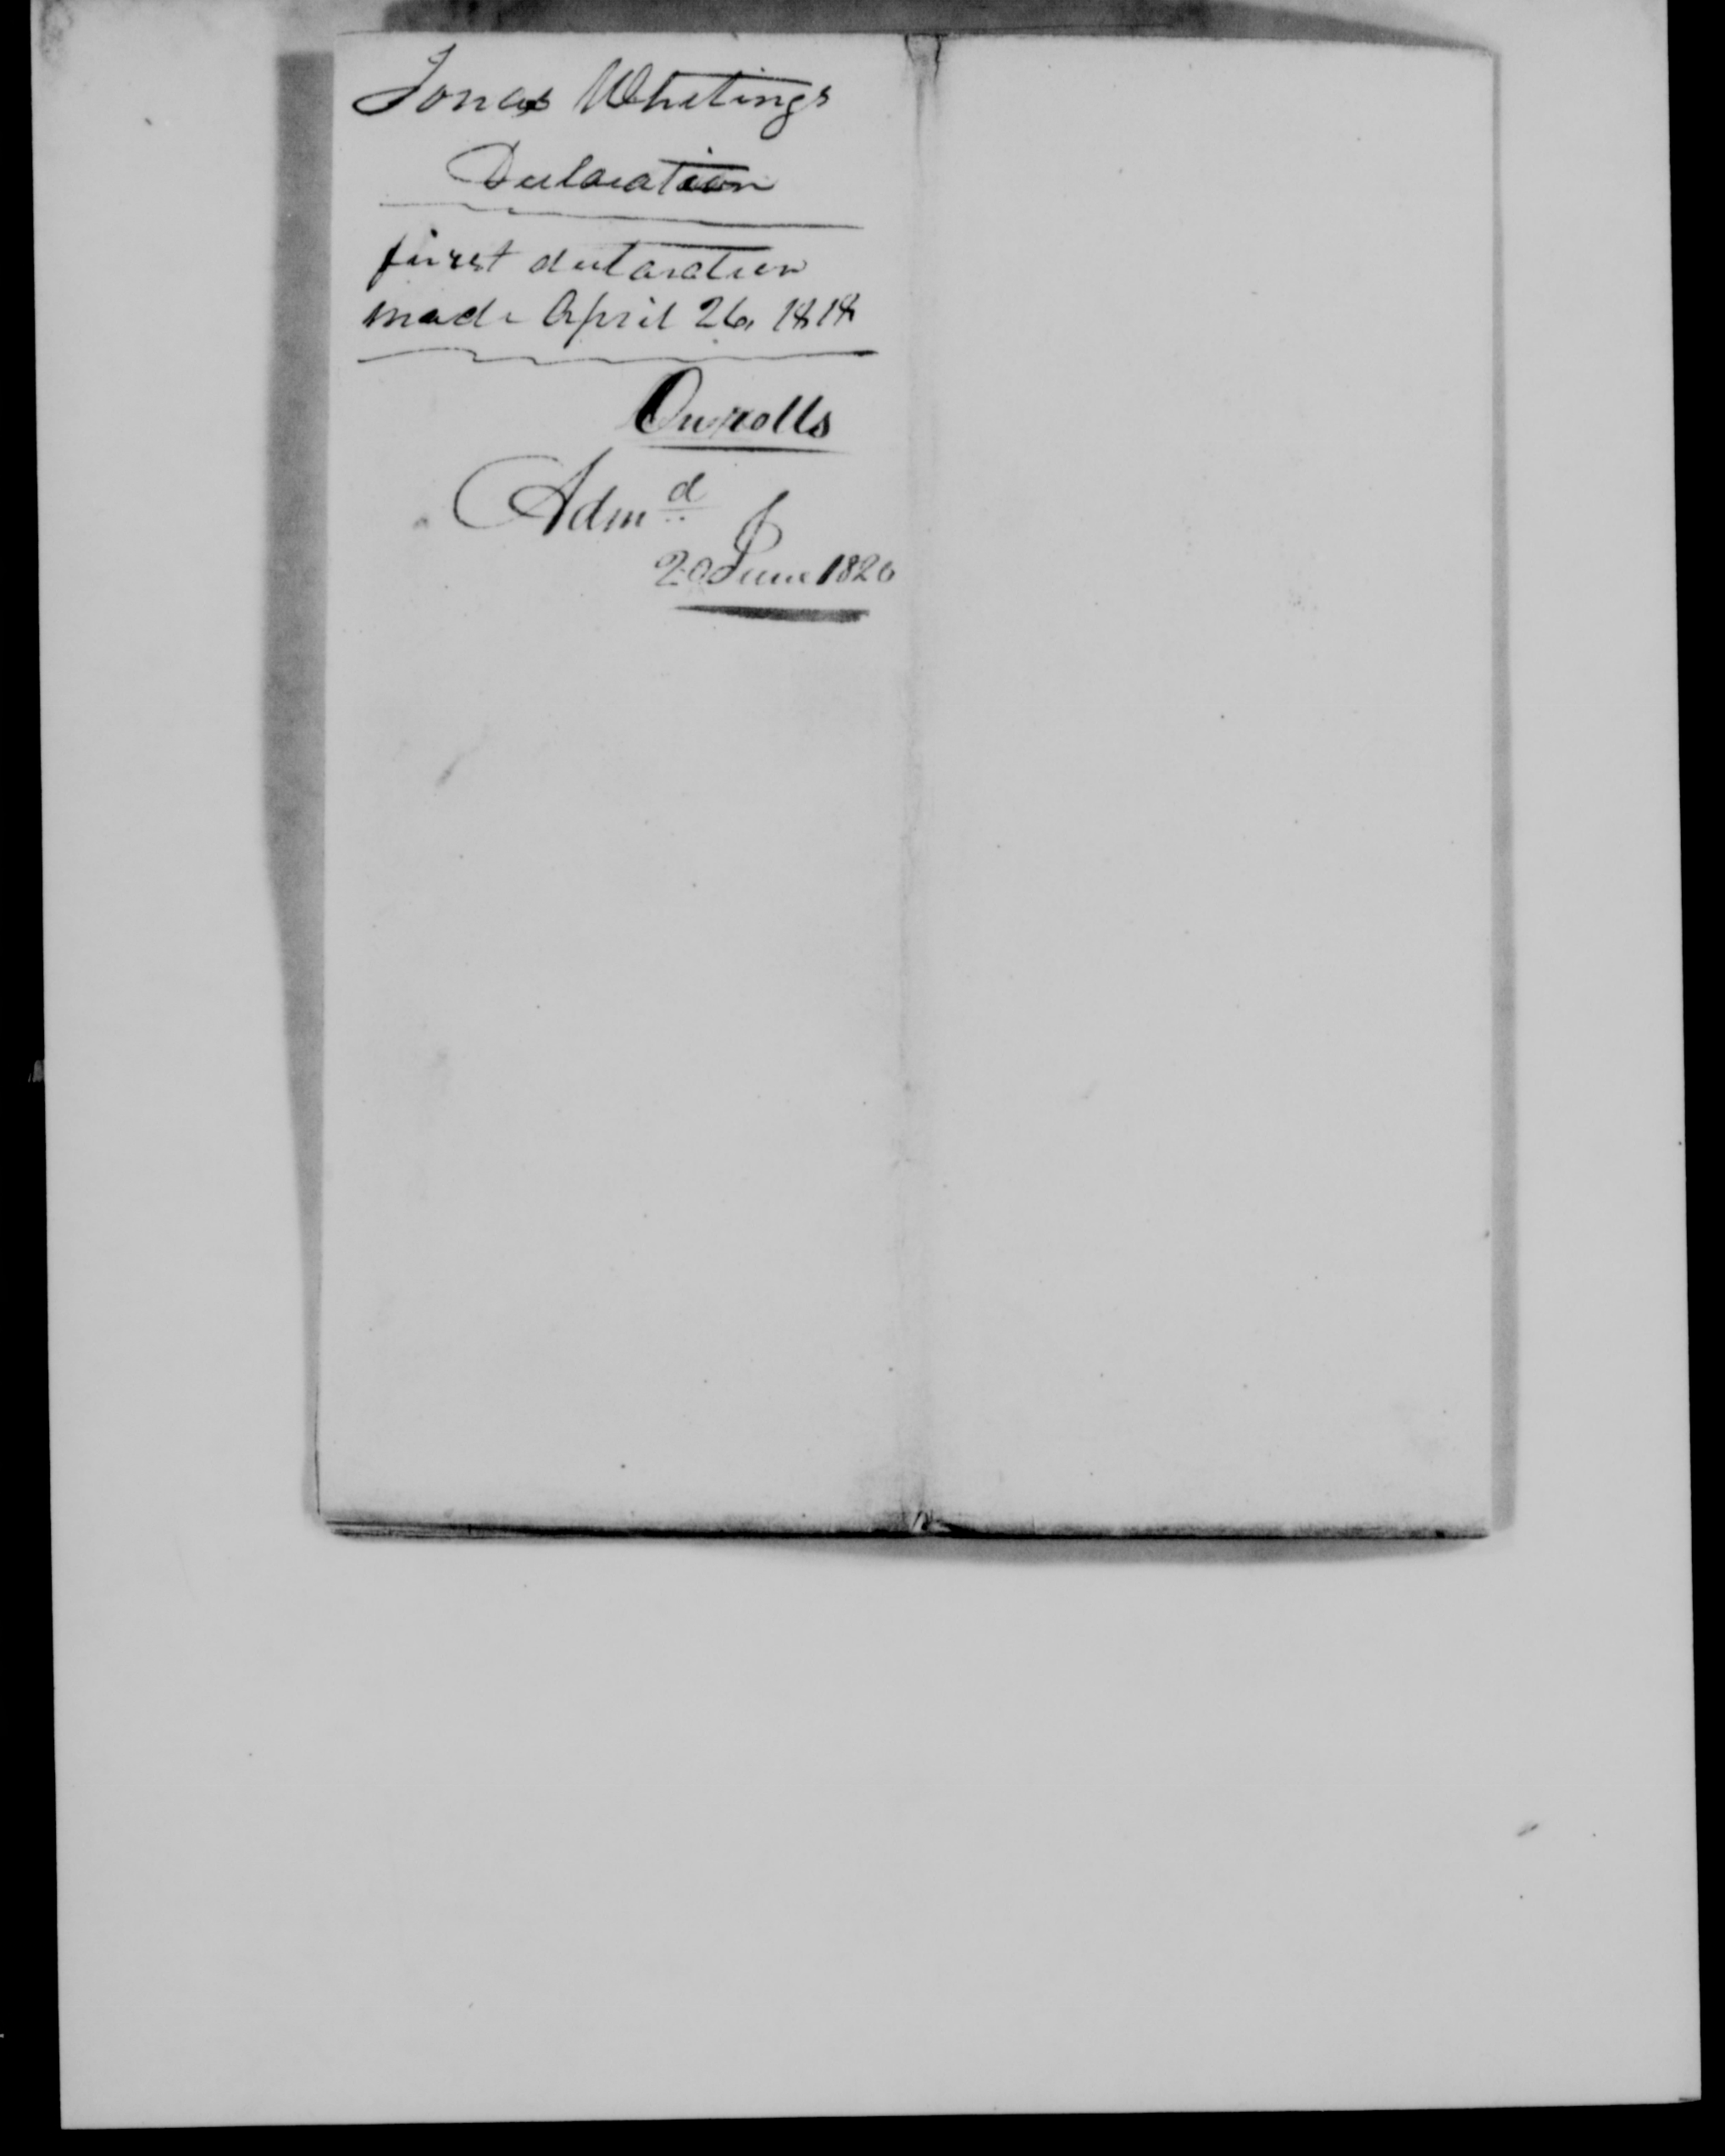Jonas Whiting
Declaration
first declaration
made April 26, 1818
On rolls
Adm d
20 June 1820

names: Jonas Whiting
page: 19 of 22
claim: survivor's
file: S. 43298, Jonas Whiting, Mass.